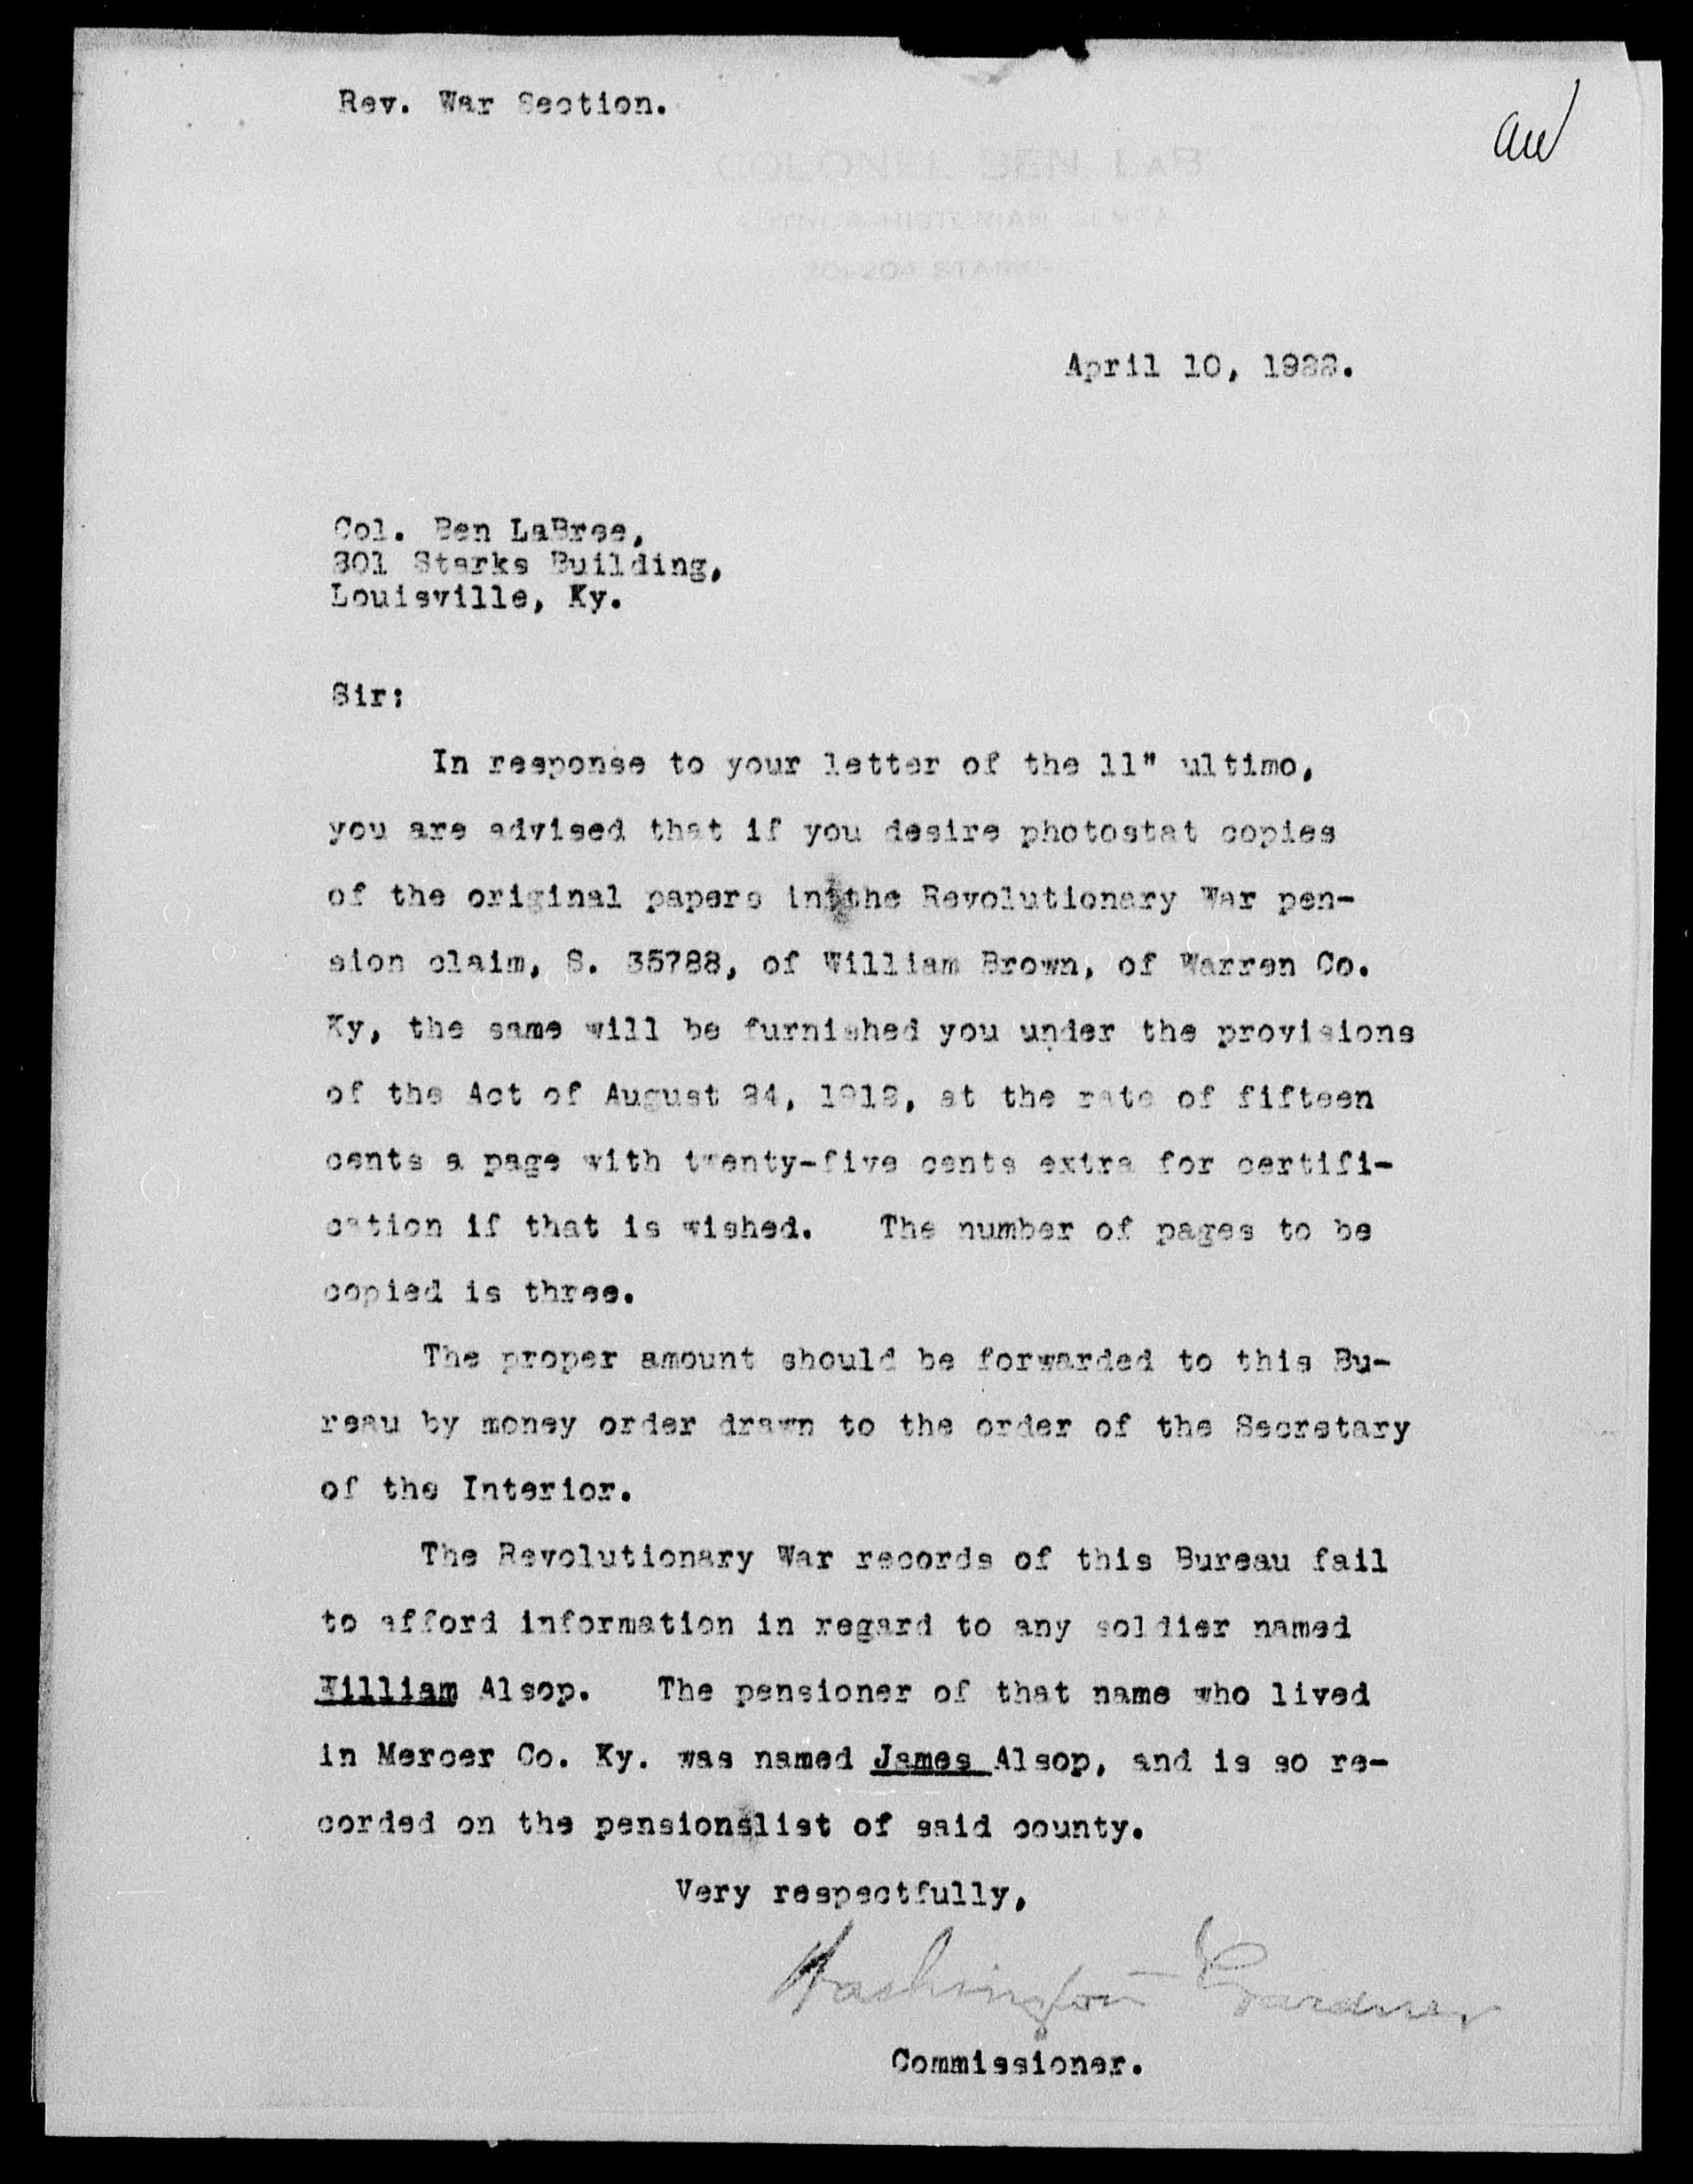Rev. War Section.
Col. Ben Labree,
301 Starks Building,
Louisville, Ky.
Sir:
April 10, 1922.
In response to your letter of the 11"" ultimo,
you are advised that if you desire photostat copies
of the original papers in the Revolutionary War pension
claim, S. 35788, of William Brown, of Warren Co. Ky
, the same will be furnished you under the provisions
of the Act of August 24, 1912, at the rate of fifteen
cents a page with twenty-five cents extra for certification
if that is wished. The number of pages to be
copied is three
The proper amount should be forwarded to this Bureau
by money order drawn to the order of the Secretary
of the Interior.
The Revolutionary War records of this Bureau fail
to afford information in regard to any soldier named
William Alsop. The pensioner of that name who lived in
Mercer Co. Ky. was named James Alsop, and is so recorded
on the pension list of said county,
Very respectfully,
Washington Gardner

Commissioner.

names: Washington Gardner, William Brown, Ben La Bree, James Alsop, William Alsop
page: 19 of 21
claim: survivor's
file: S. 35,788, William Brown, Va.